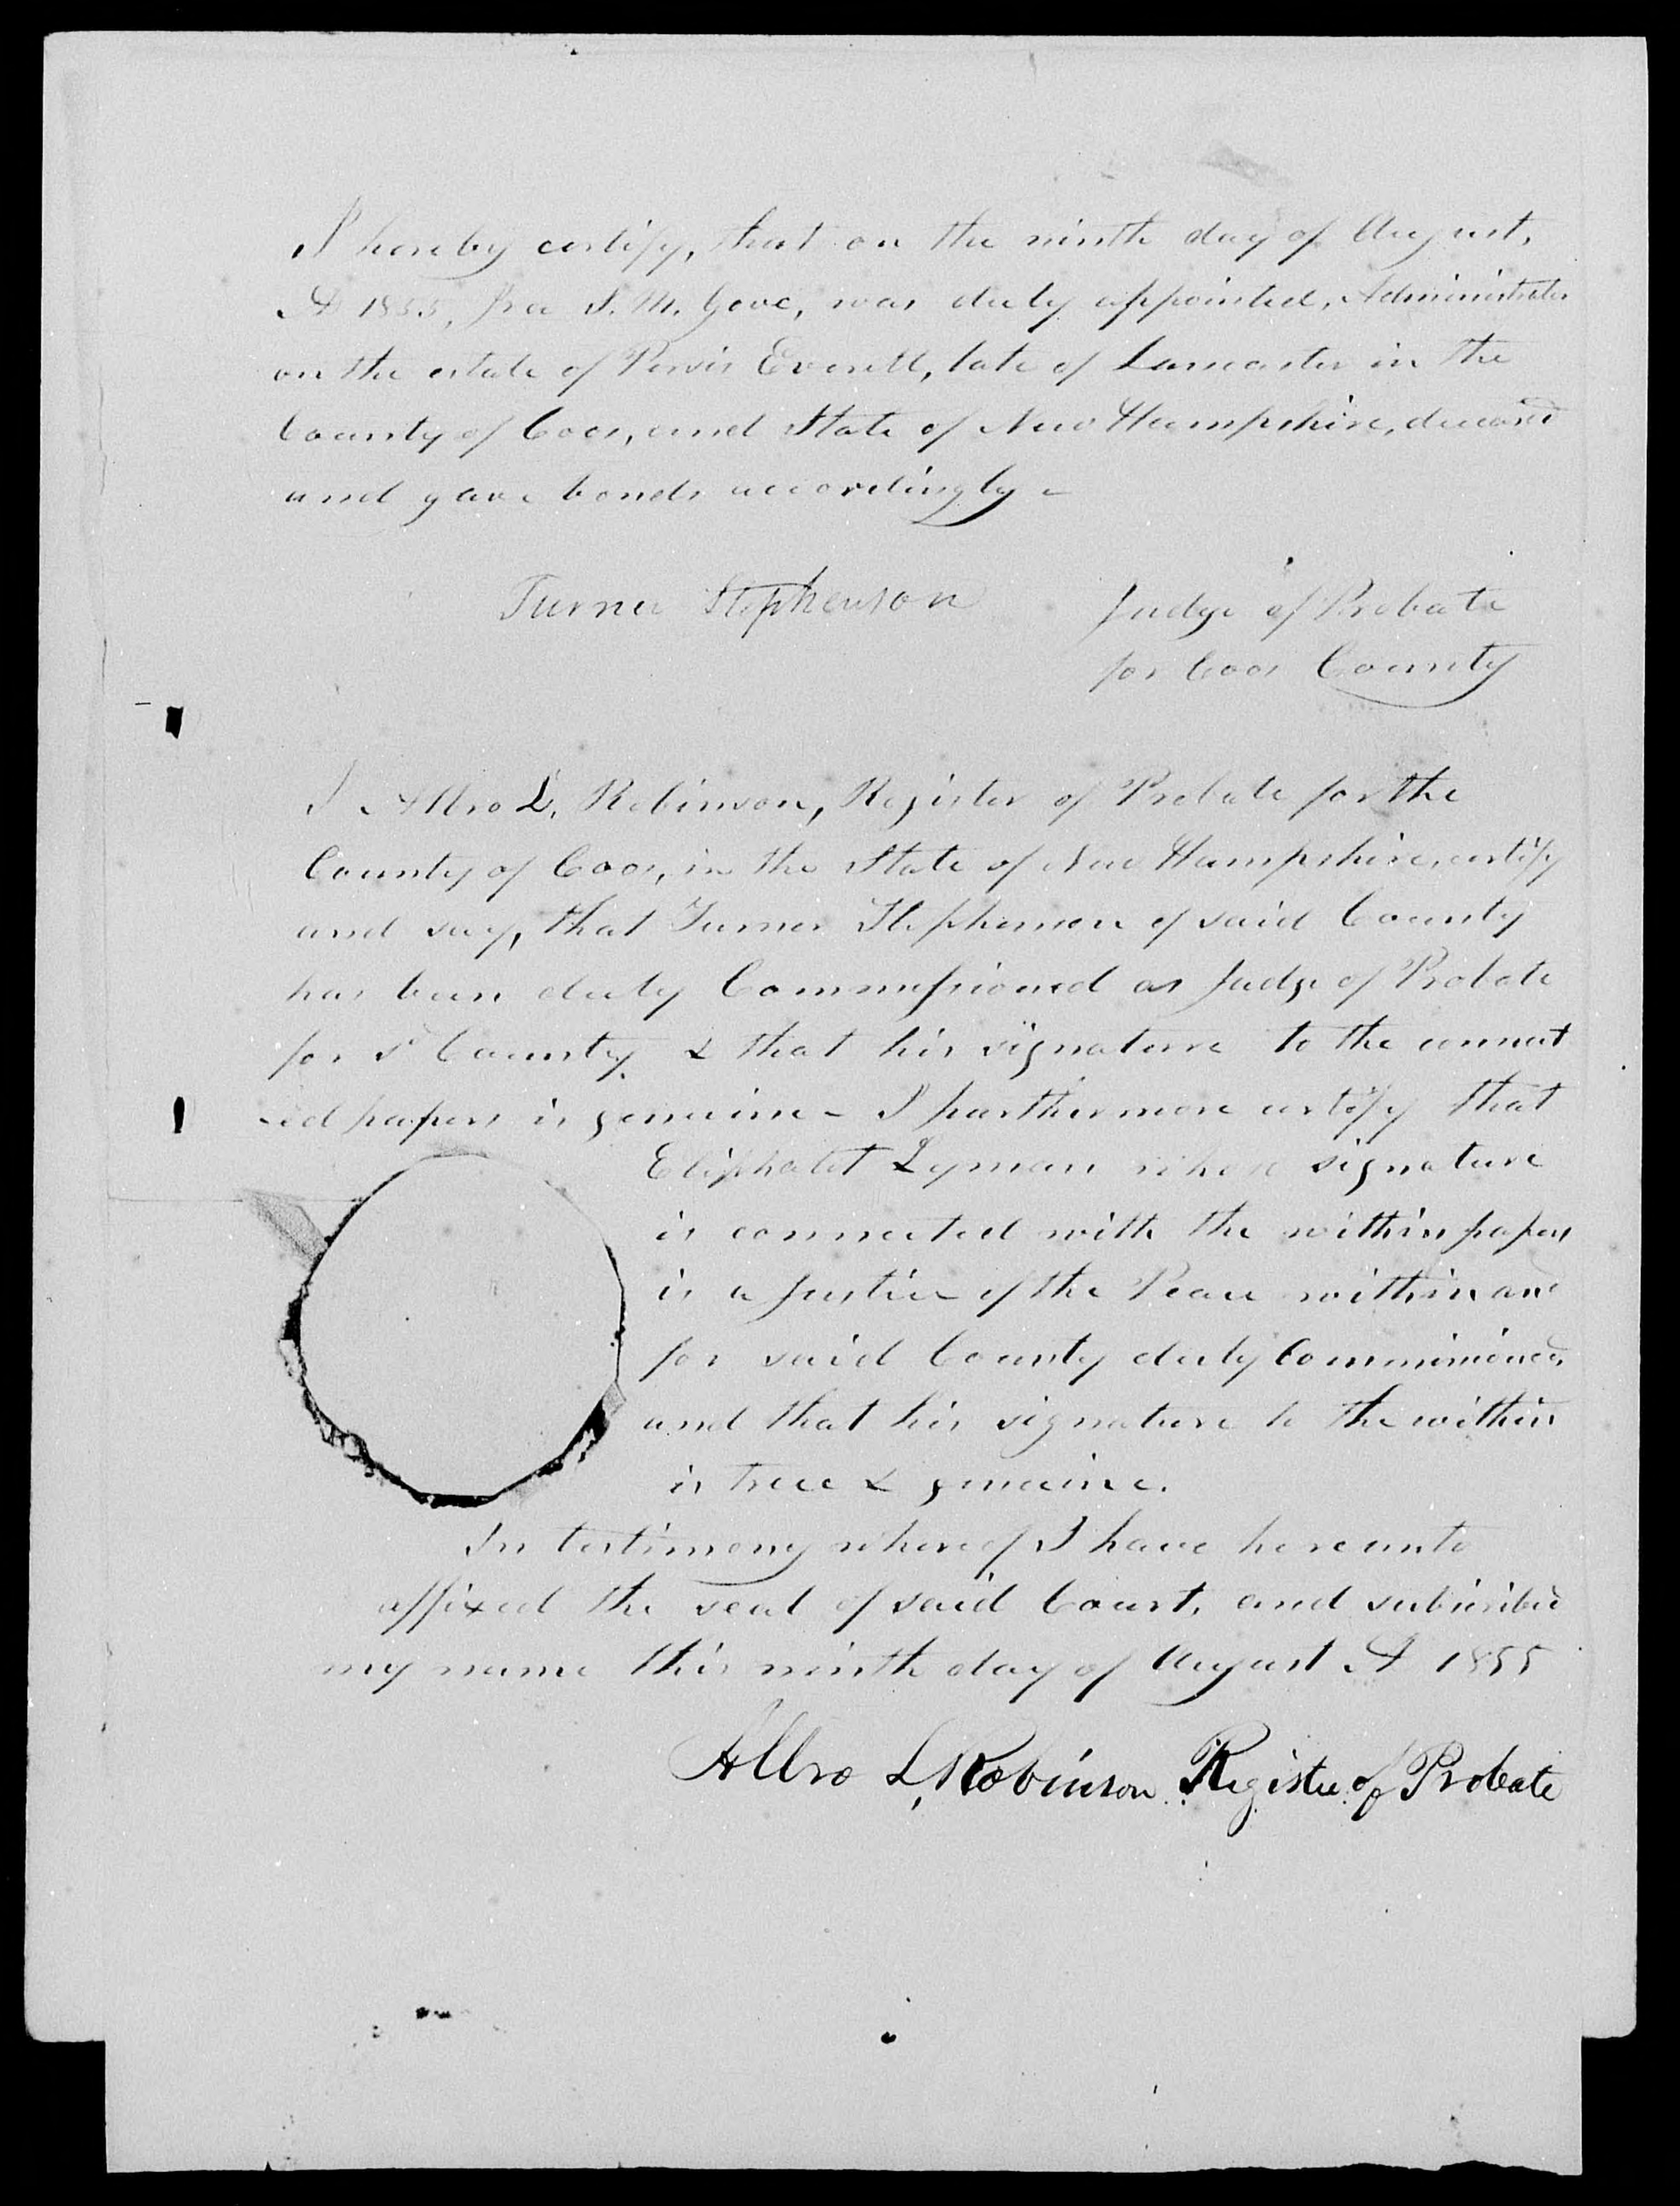I hereby certify, that on the ninth day of August, AD 1855, Ira J.M. Gove, was duly appointed, Administrator n the estate of Persis Everett late of Lancaster in the County of Coos, and State of New Hampshire, deceased and gave bond accordingly.
Turner Stephenson (signature) Judge of Probate for Coos County

I, Albro Robinson, Register of Probate for the
County of Coos in the State of New Hampshire, certify and say, that Turner Stephenson of said County has been duly commissioned as Judge of Probate for sd (said) County & that his signature to the court paper is genuine - I furthermore certify that Eliphalet Lyman whose signature
is connected with the within papers is a Justice of the Peace within and for said County duly Commissioned and that his signature to the within is true & genuine. 
[seal]

In testimony whereof I have hereunto affixed the seal of said Court, and subscribed my name this ninth day of August AD 1855
Albro L Robinson Register of Probate (signature)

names: Albro L Robinson, Albro L Robinson, Persis Everett, Turner Stephenson, Eliphalet Lyman, Turner Stephenson, Ira S M Gove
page: 52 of 59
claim: widow's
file: W. 23017, Richard Clair Everett, Mass.